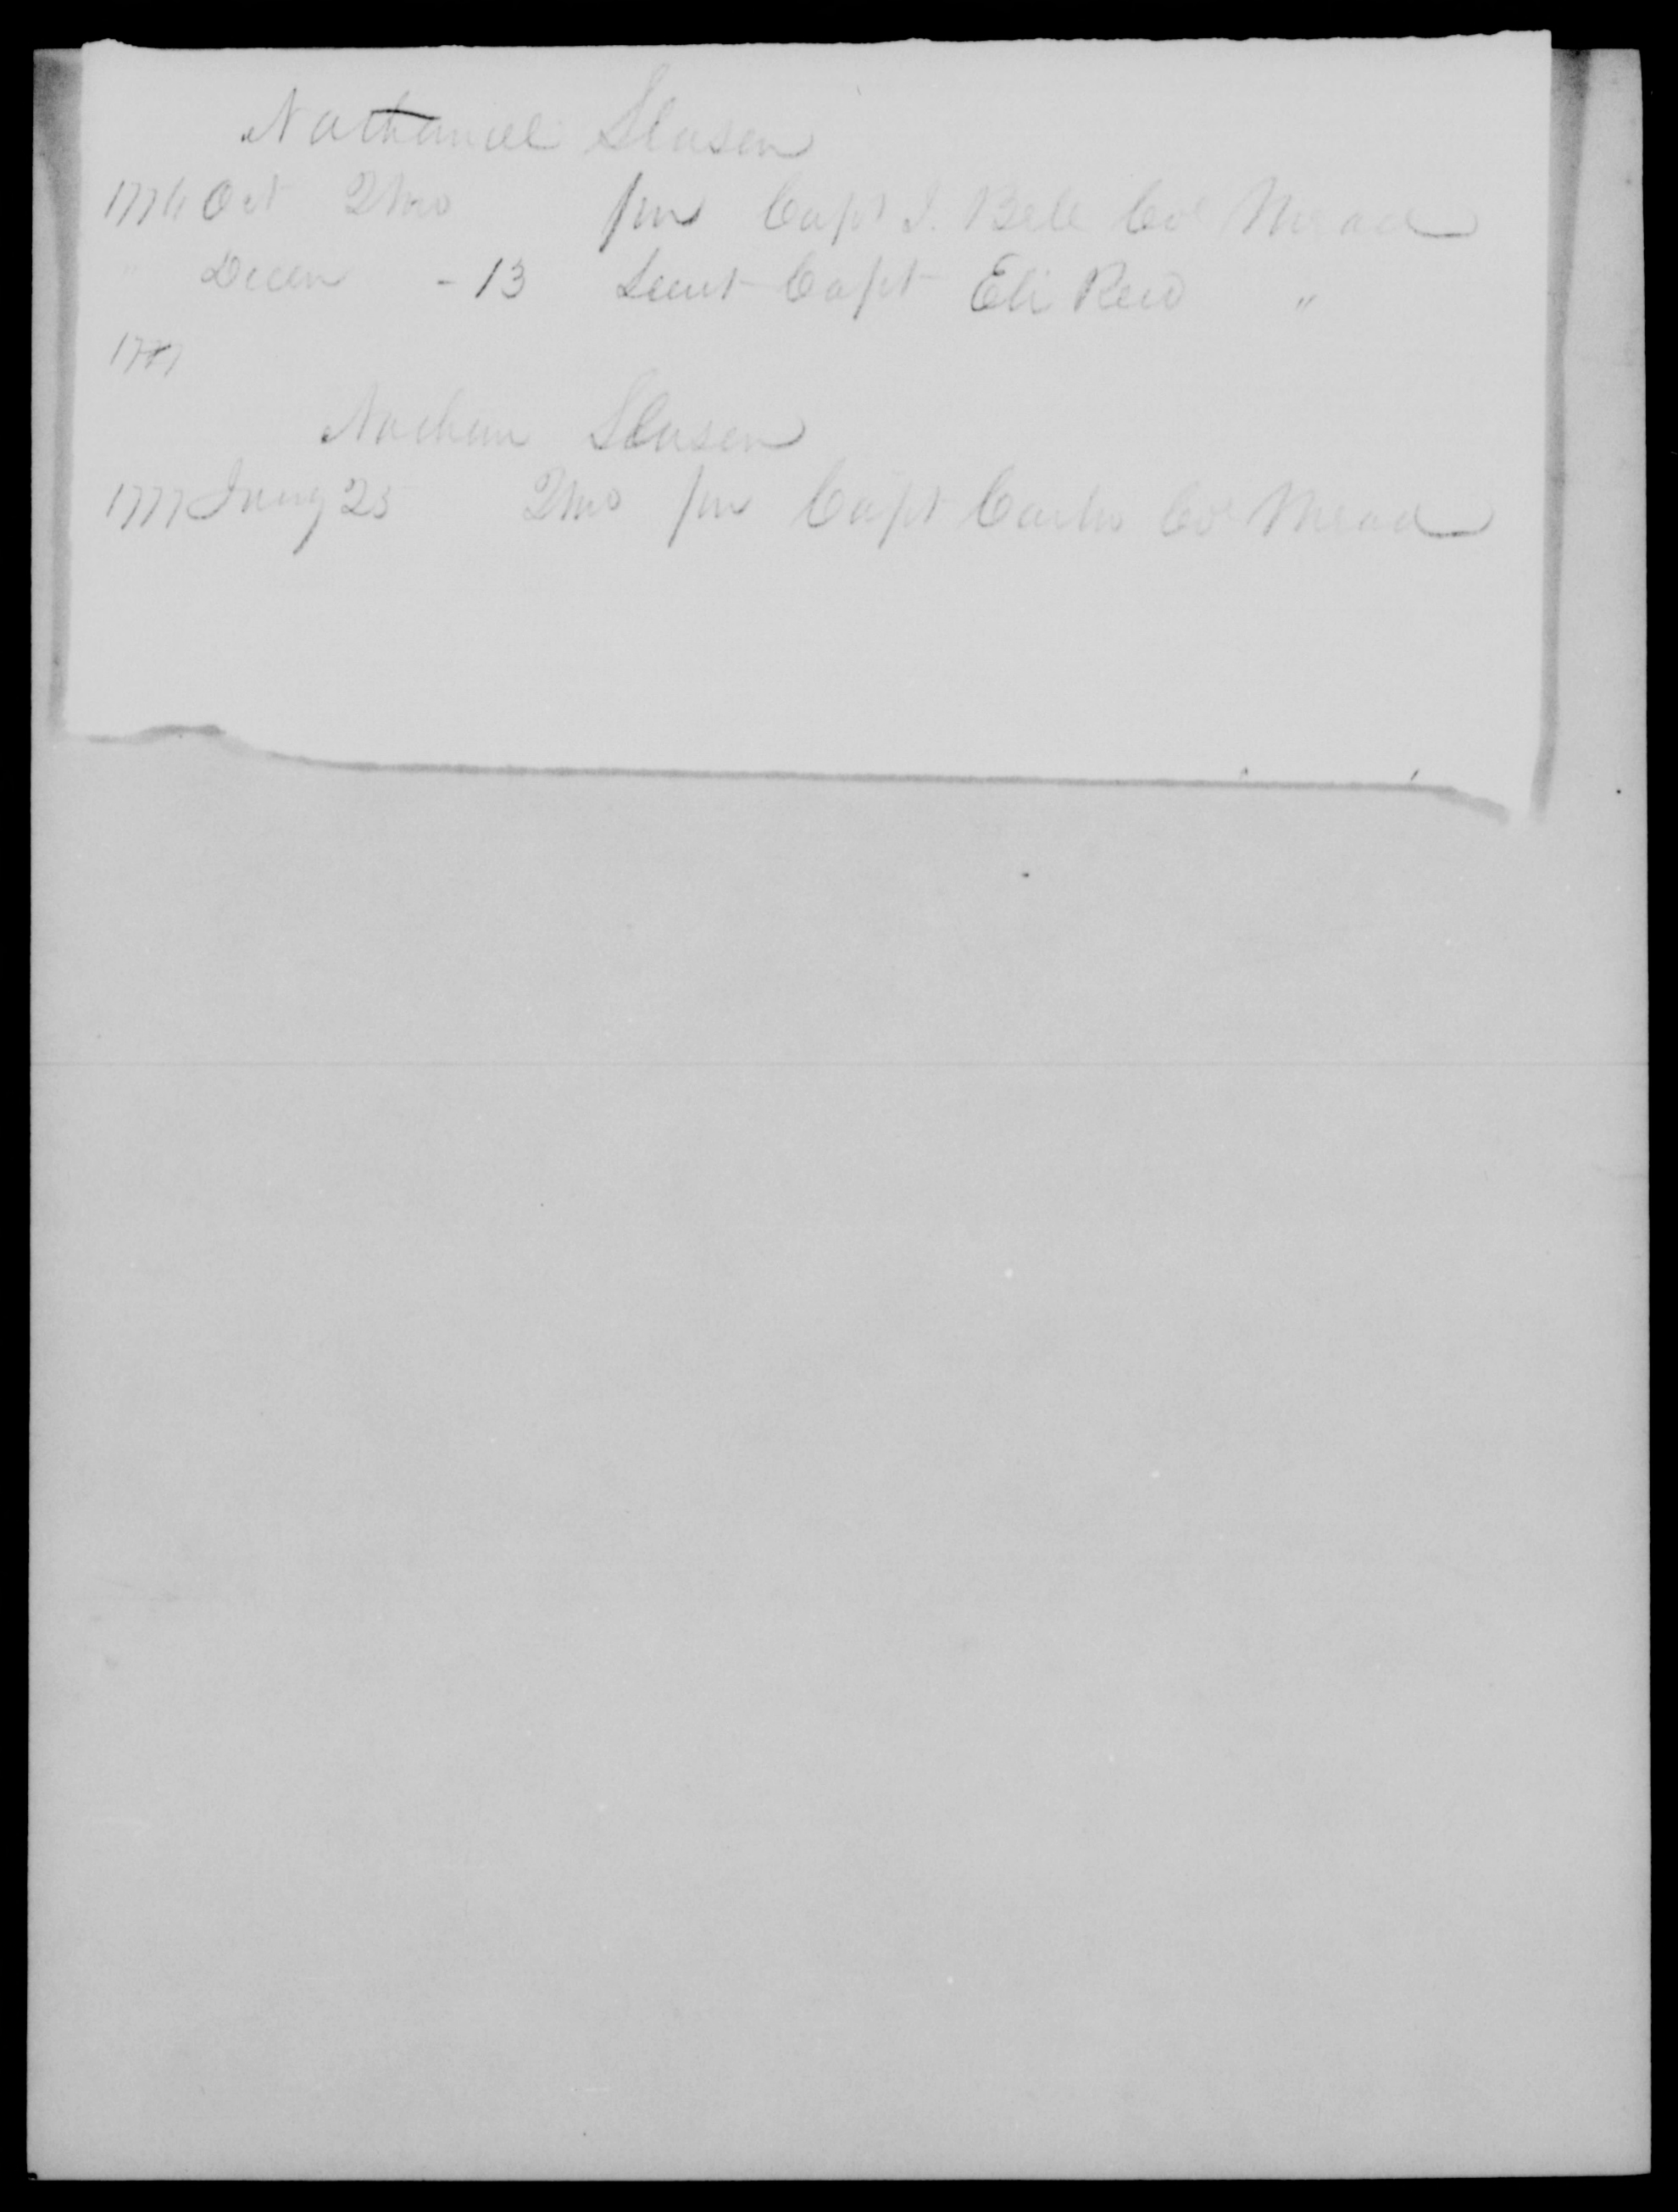Nathaniel Slason
1776 Oct 2 Mo per Capt I Bell Col Mead Decem 13 Lieut Capt Eli Recd Col Mead
1777 Nathan Slason
1777 Jany 23 2 mo per Capt Carter Col Mead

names: Nathan Slason; Nathaniel Slason; Eli Reed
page: 36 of 87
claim: widow's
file: W. 22,226, for Nathan Slawson, Connecticut